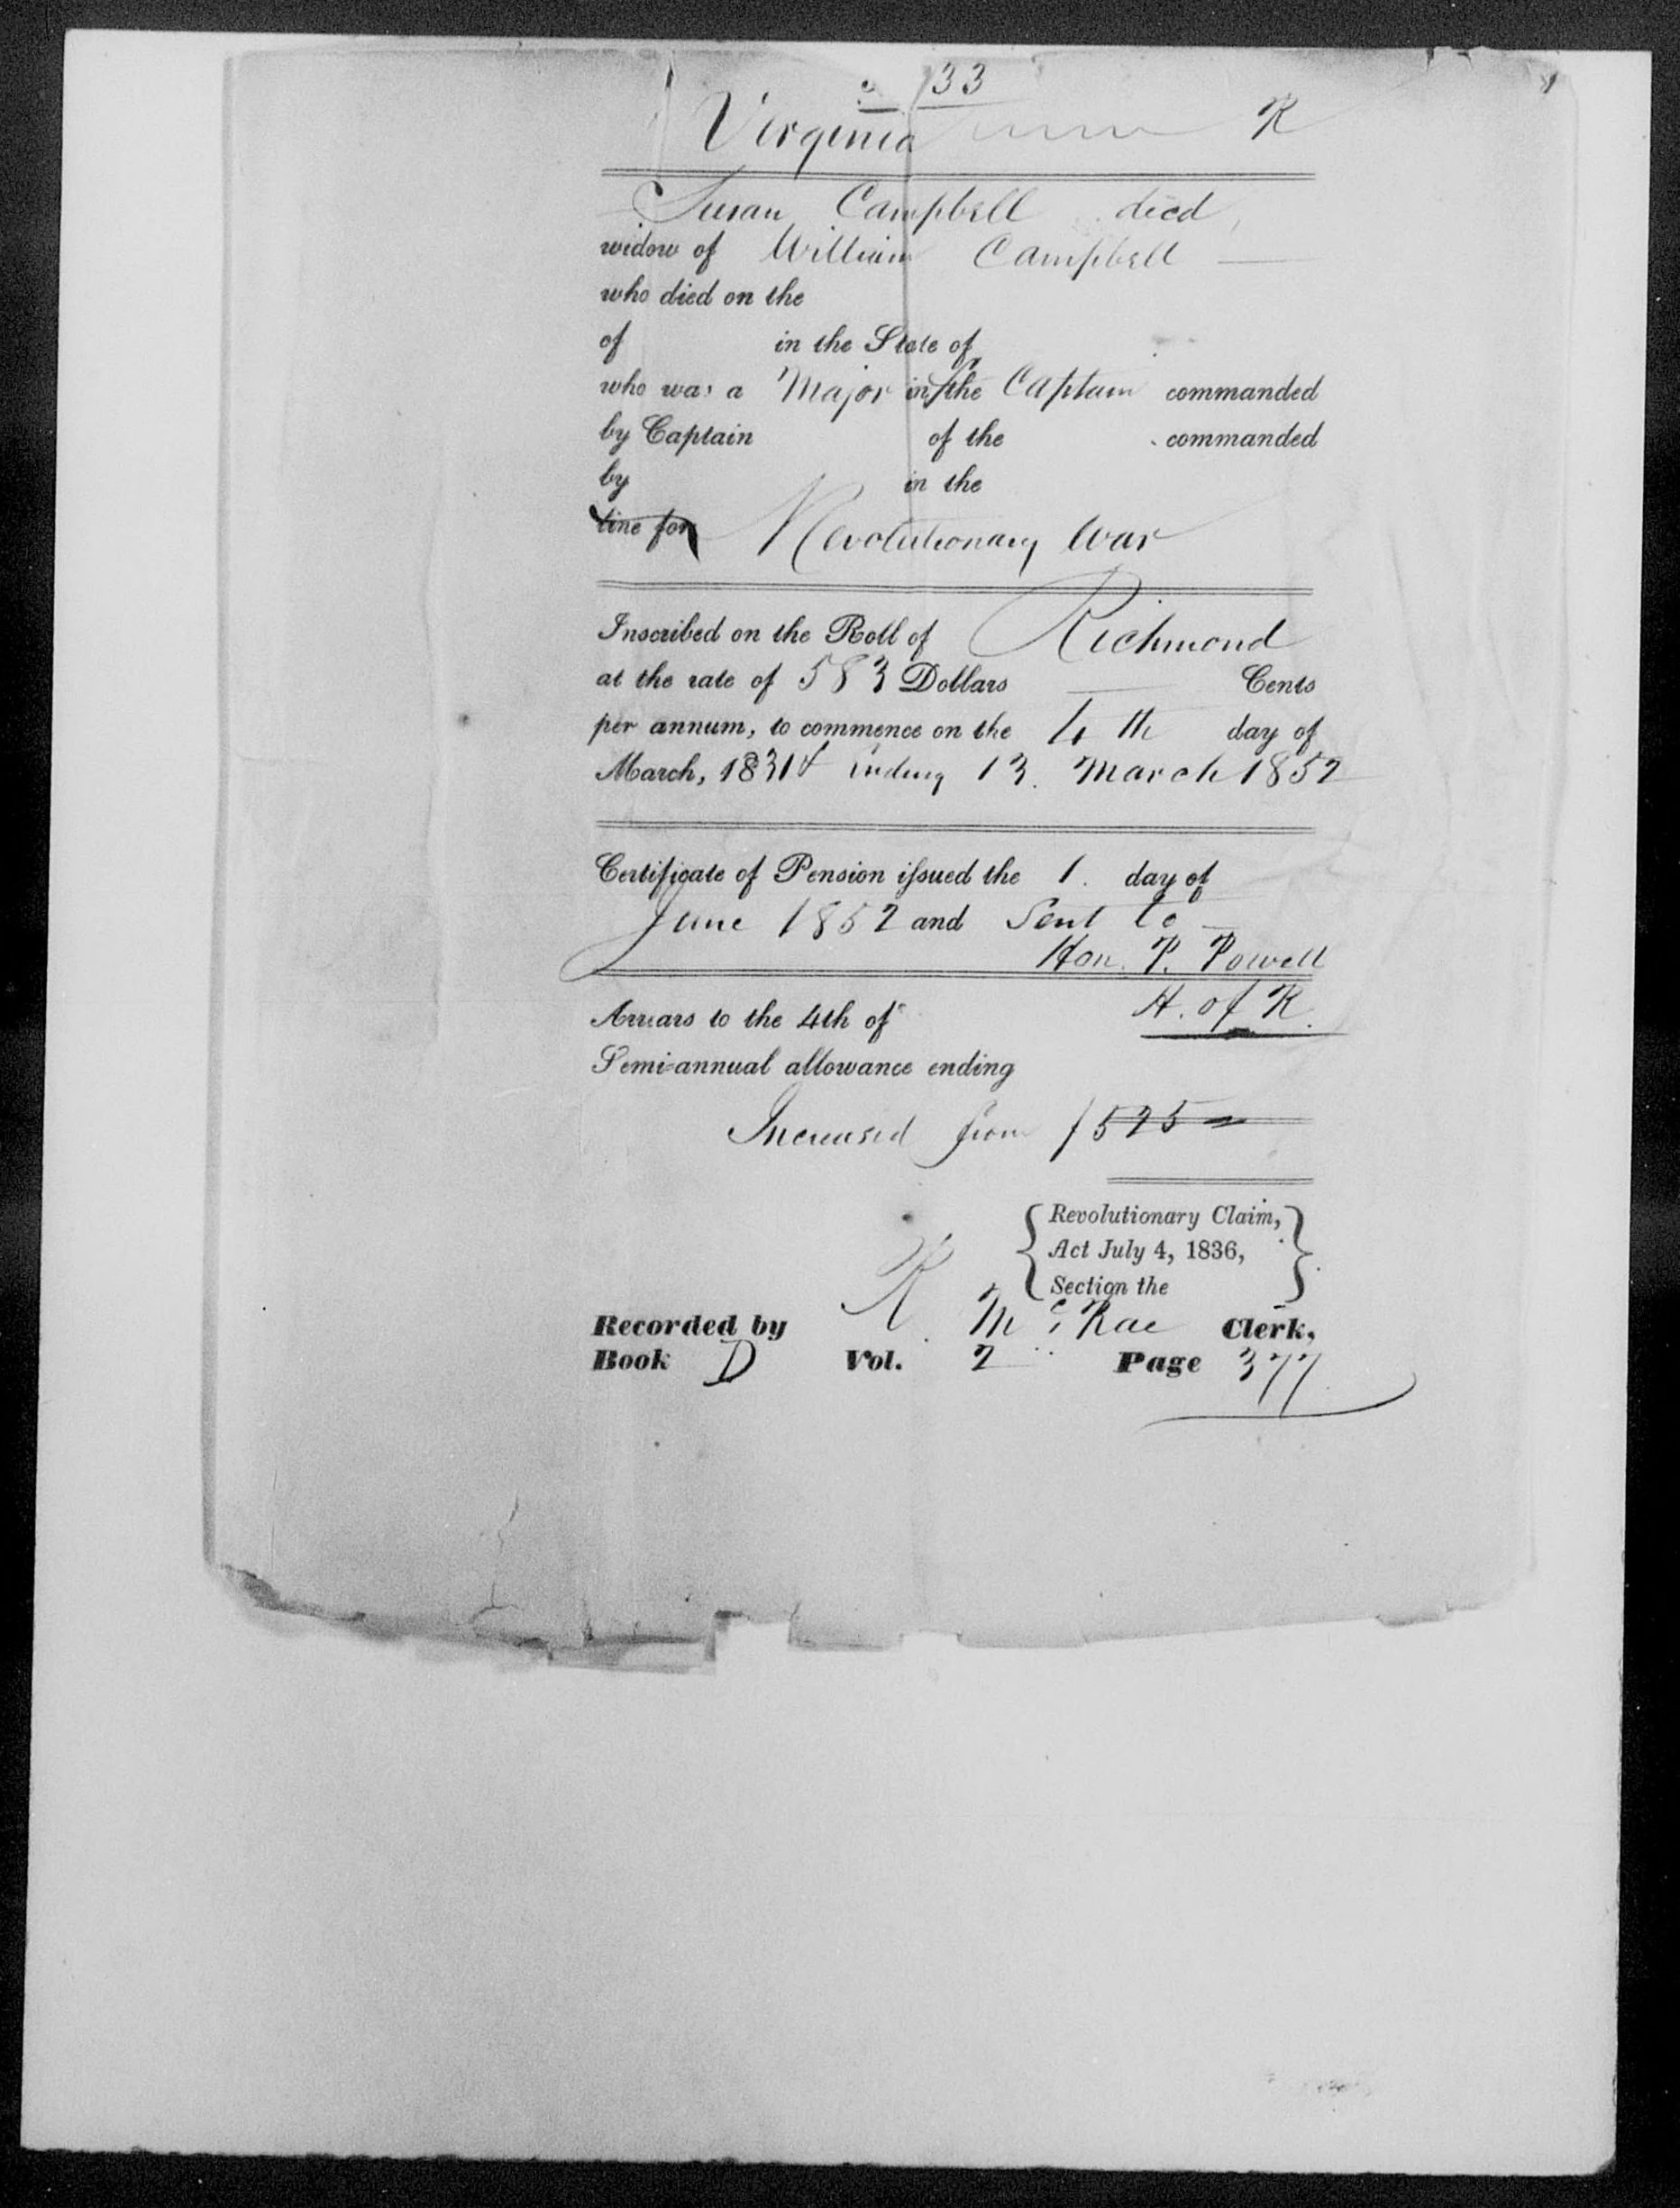[illegible letter] 33
Virginia.                R
[double horizontal lines across page]

Susan Campbell decd,
widow of William Campbell
who died on the 
of.       in the State of
who was a Major in +[and] the Captain commanded by Captain.     of the      .commanded by        in the [cross out] line for [end cross out]  Revolutionary War
[double horizontal lines across page]

 Inscribed on the Roll of Richmond at the rate of 583  Dollars -------  Cents per annum, to commence on the 4th day of March, 1831 +[and] Ending 13.  March 1852
[double horizontal lines across page]

Certificate of Pension issued the 1 day of June 1852 and Sent to Hon. P. Powell  H. of R.
[double horizontal lines across page]

Arrears to the 4 th of
Semi=annual allowance ending
Increased from $525. =

Revolutionary Claim,
Act July 4, 1836,
Section the 

Recorded by   R. McRae.  Clerk,
Book. D. Vol.   2.  Page 377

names: Susan Campbell, R Mc Rae, P Powell, William Campbell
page: 57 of 267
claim: widow's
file: W. 4,149, William Campbell, Va.